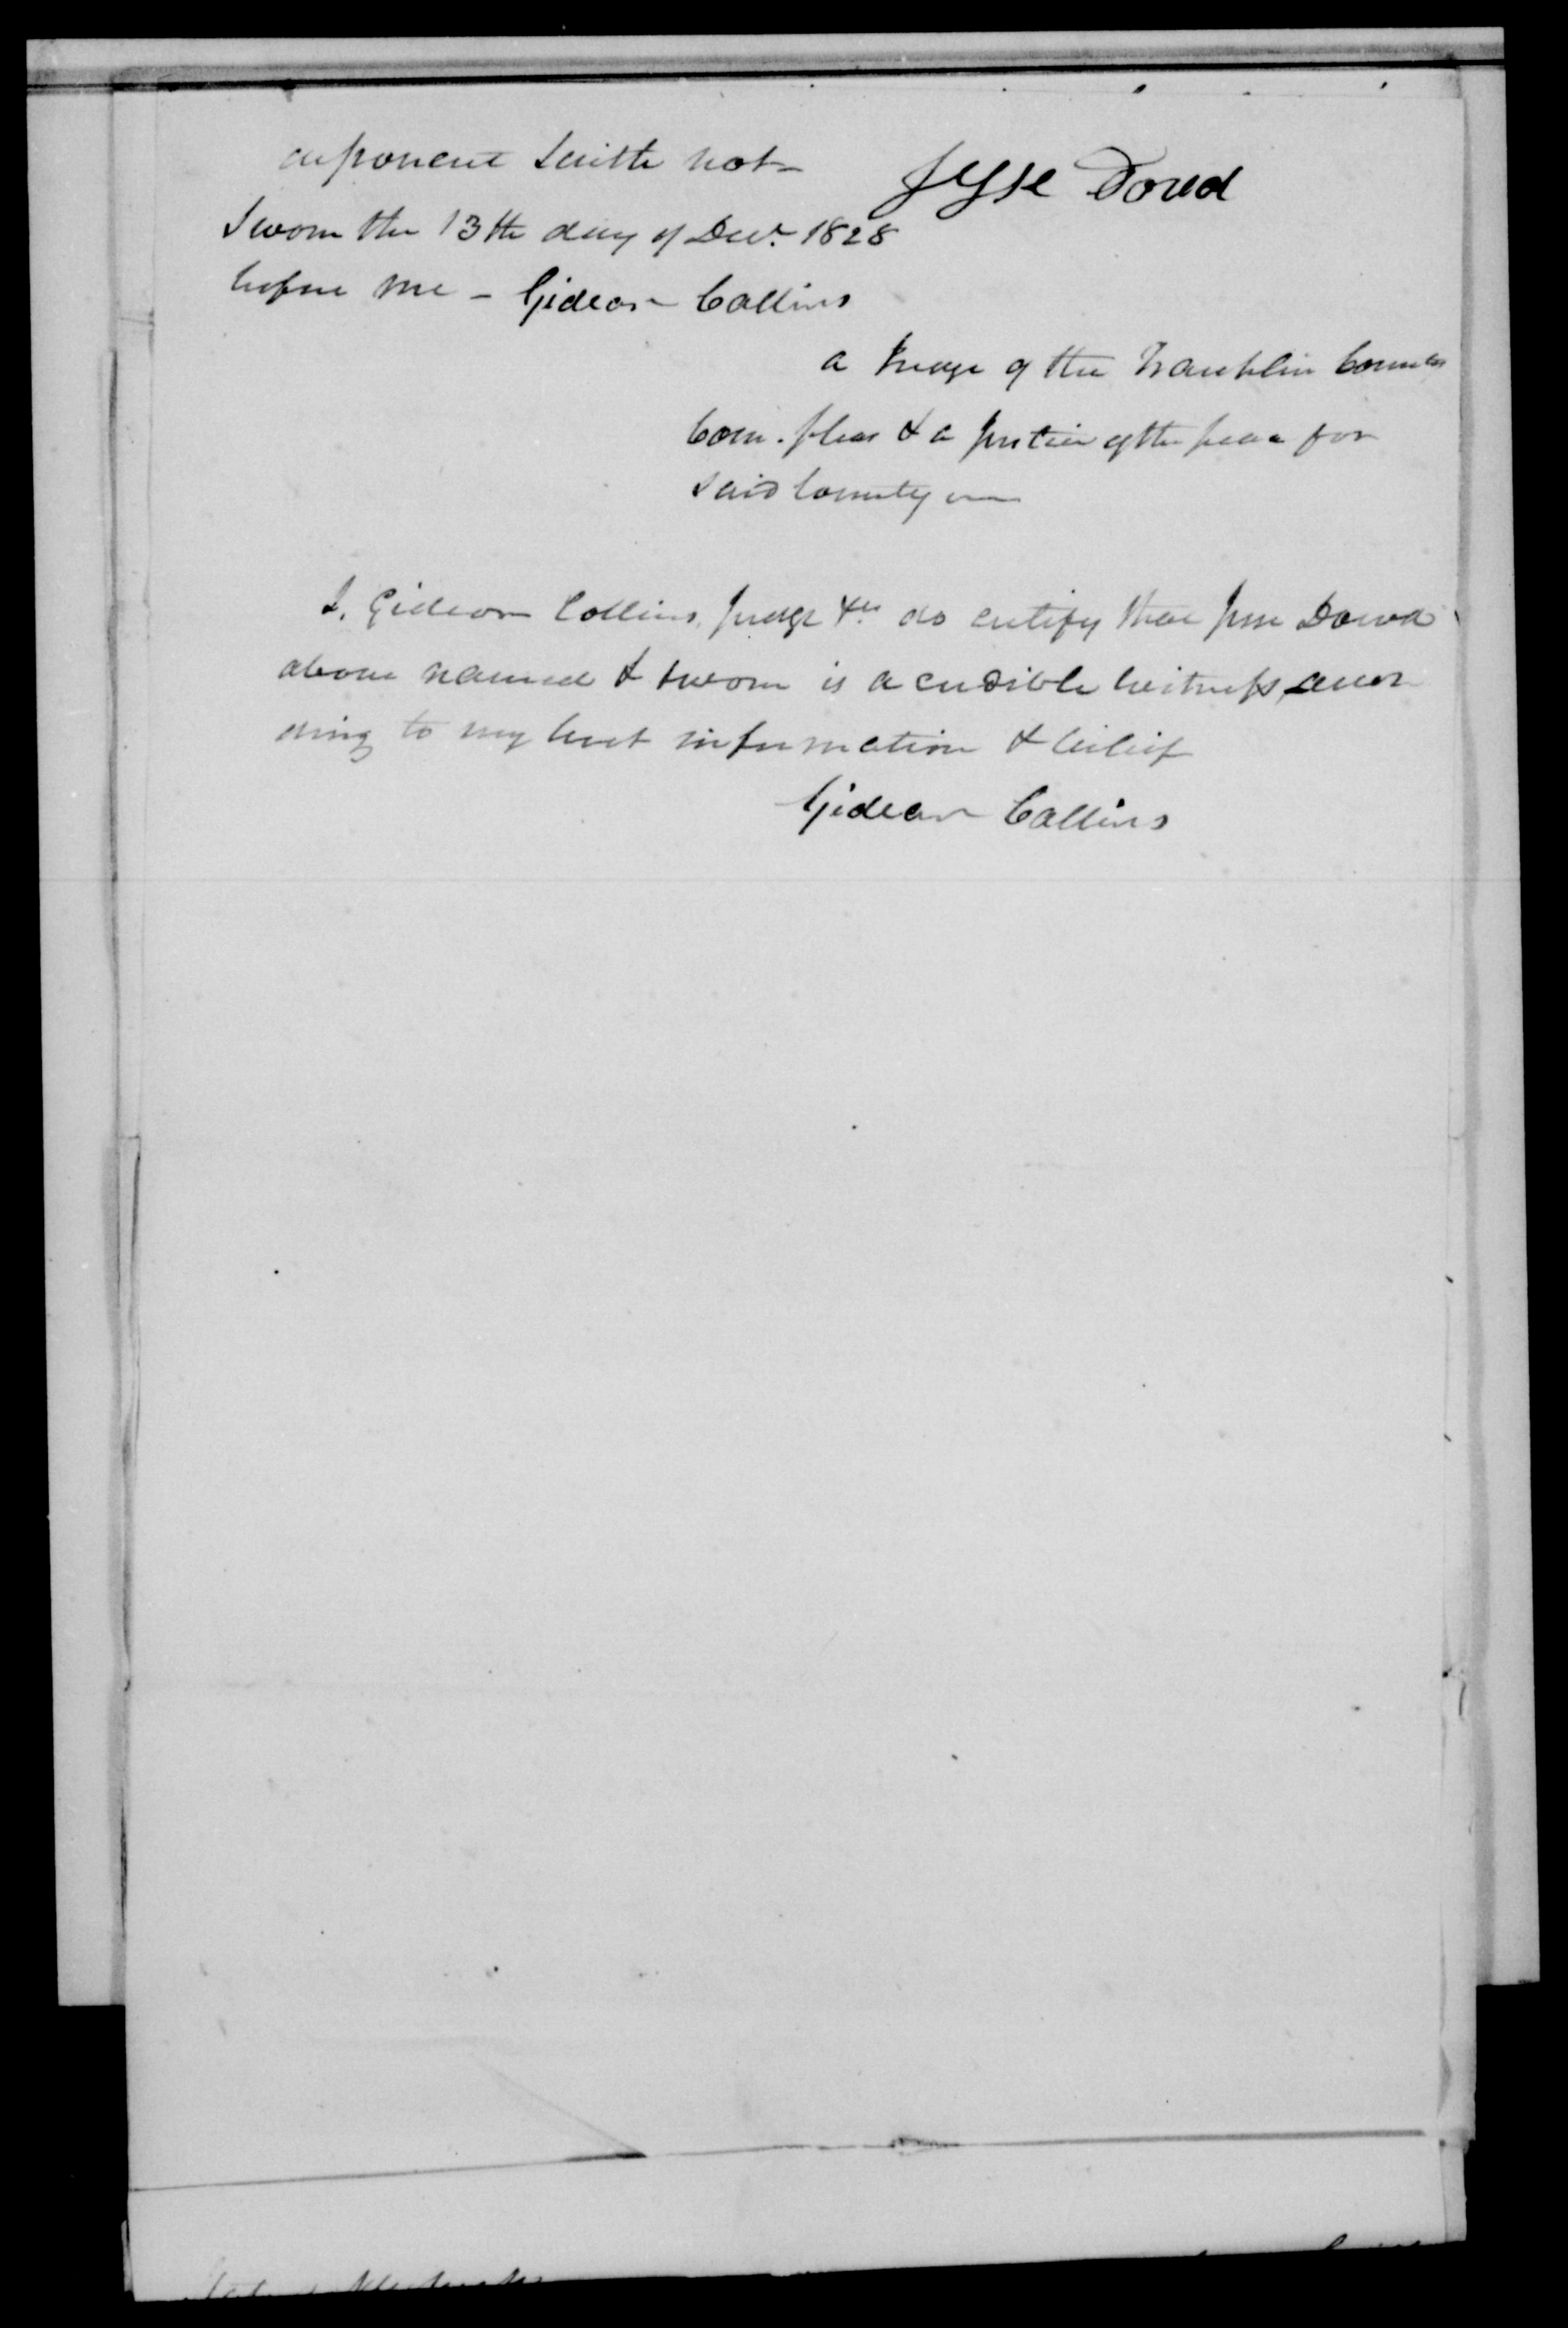deponent Saith not _ Jesse Dowd [signature]
Sworn the 13th day of Decr. 1828 before me - Gideon Collins  a Judge of the Franklin County Com. Pleas & a Justice of the peace for said County --
I, Gideon Collins, Judge [illegible] do certify that Jesse Dowd above named & sworn is a credible witness according to my best information & belief
Gideon Collins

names: Jesse Dowd; Gideon Collins; Gideon Collins; Gideon Collins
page: 9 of 15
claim: survivor's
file: S. 43157, for Jacob Smith, Vermont